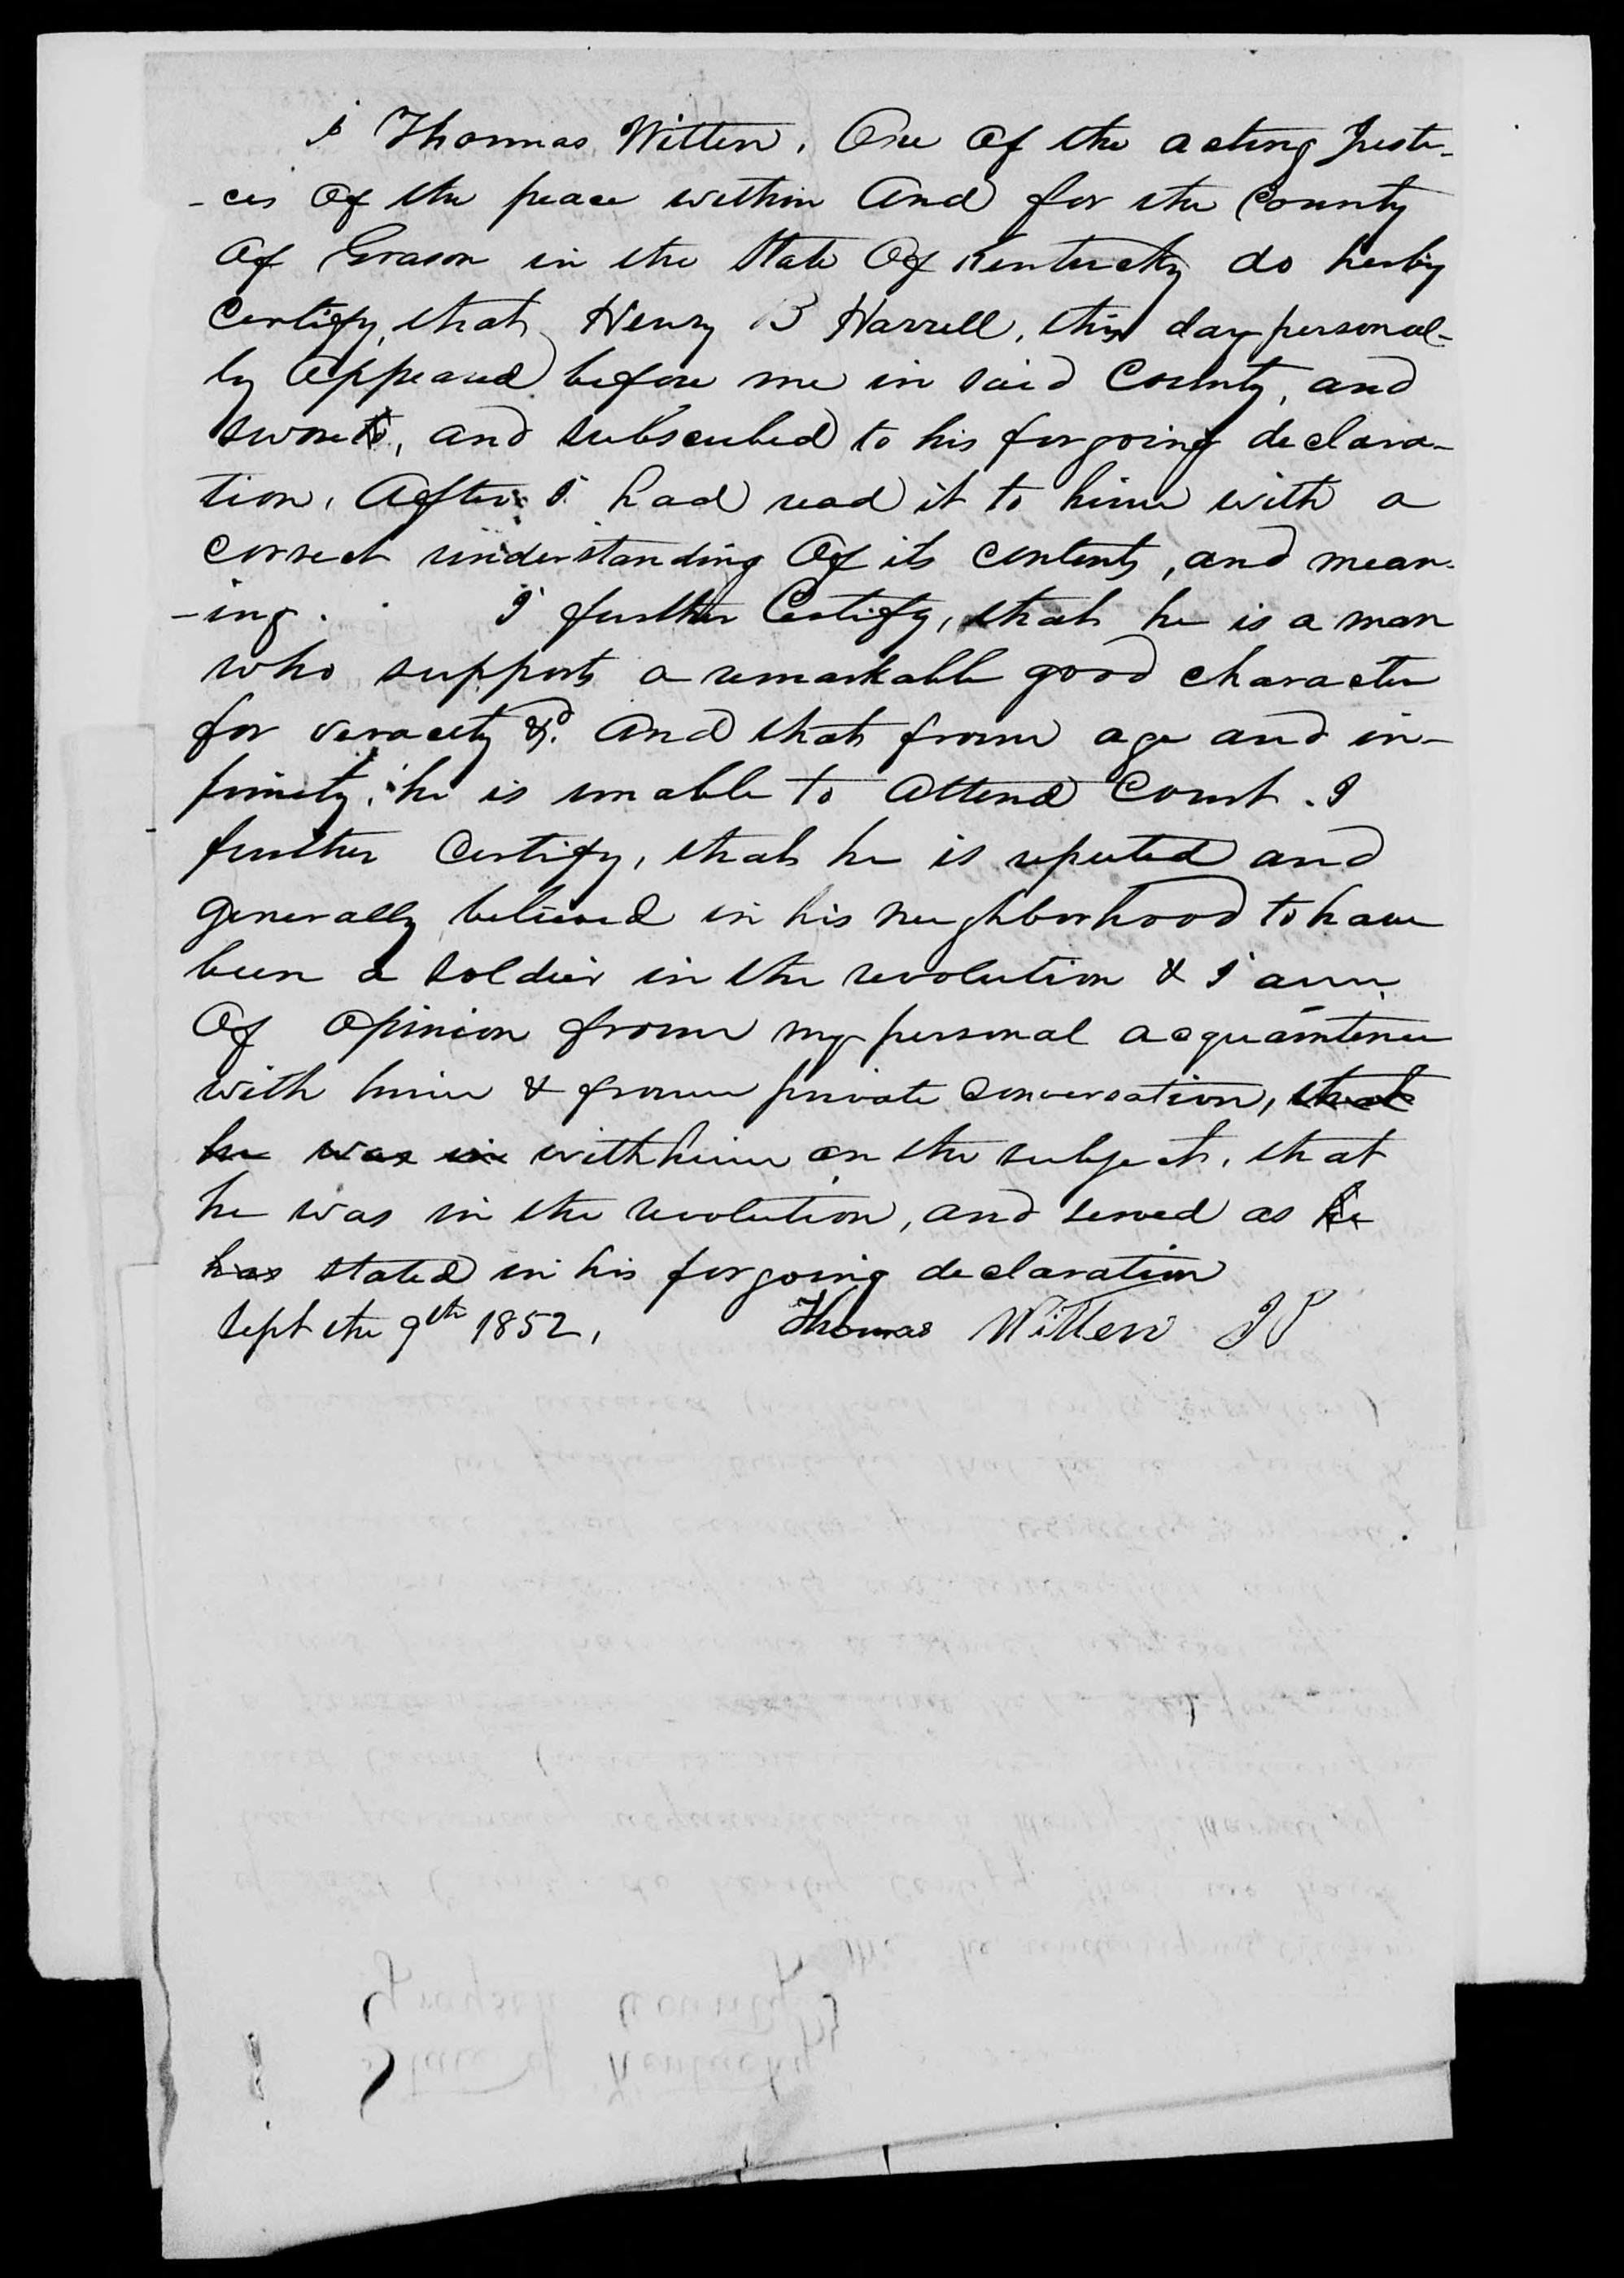Thomas Witten. One of the acting Justices of the peace within and for the County of [illegible, possibly Grason] in the State of Kentucky do hereby certify that Henry B Harrell, this day personally appeared before me in said County, and sworn and subscribed to his forgoing declaration. After I had read it to him with a correct understanding of its content, and meaning further certify that he is a man who supports a remarkable good character for veracity and that from age and infirmity he is unable to attend Court. I
further certify that he is reputed and generally believed in his neighborhood to have been a soldier in the revolution. I am of opinion from my personal acquaintance with him & from private conversation with him on the subject, that he was in the Revolution, and served as stated in his forgoing declaration.  
Sept the 9th 1852.
Thomas Willen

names: Henry B Harrell, Thomas Witten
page: 10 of 15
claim: rejected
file: R. 5234, Henry B Horrell, Md.